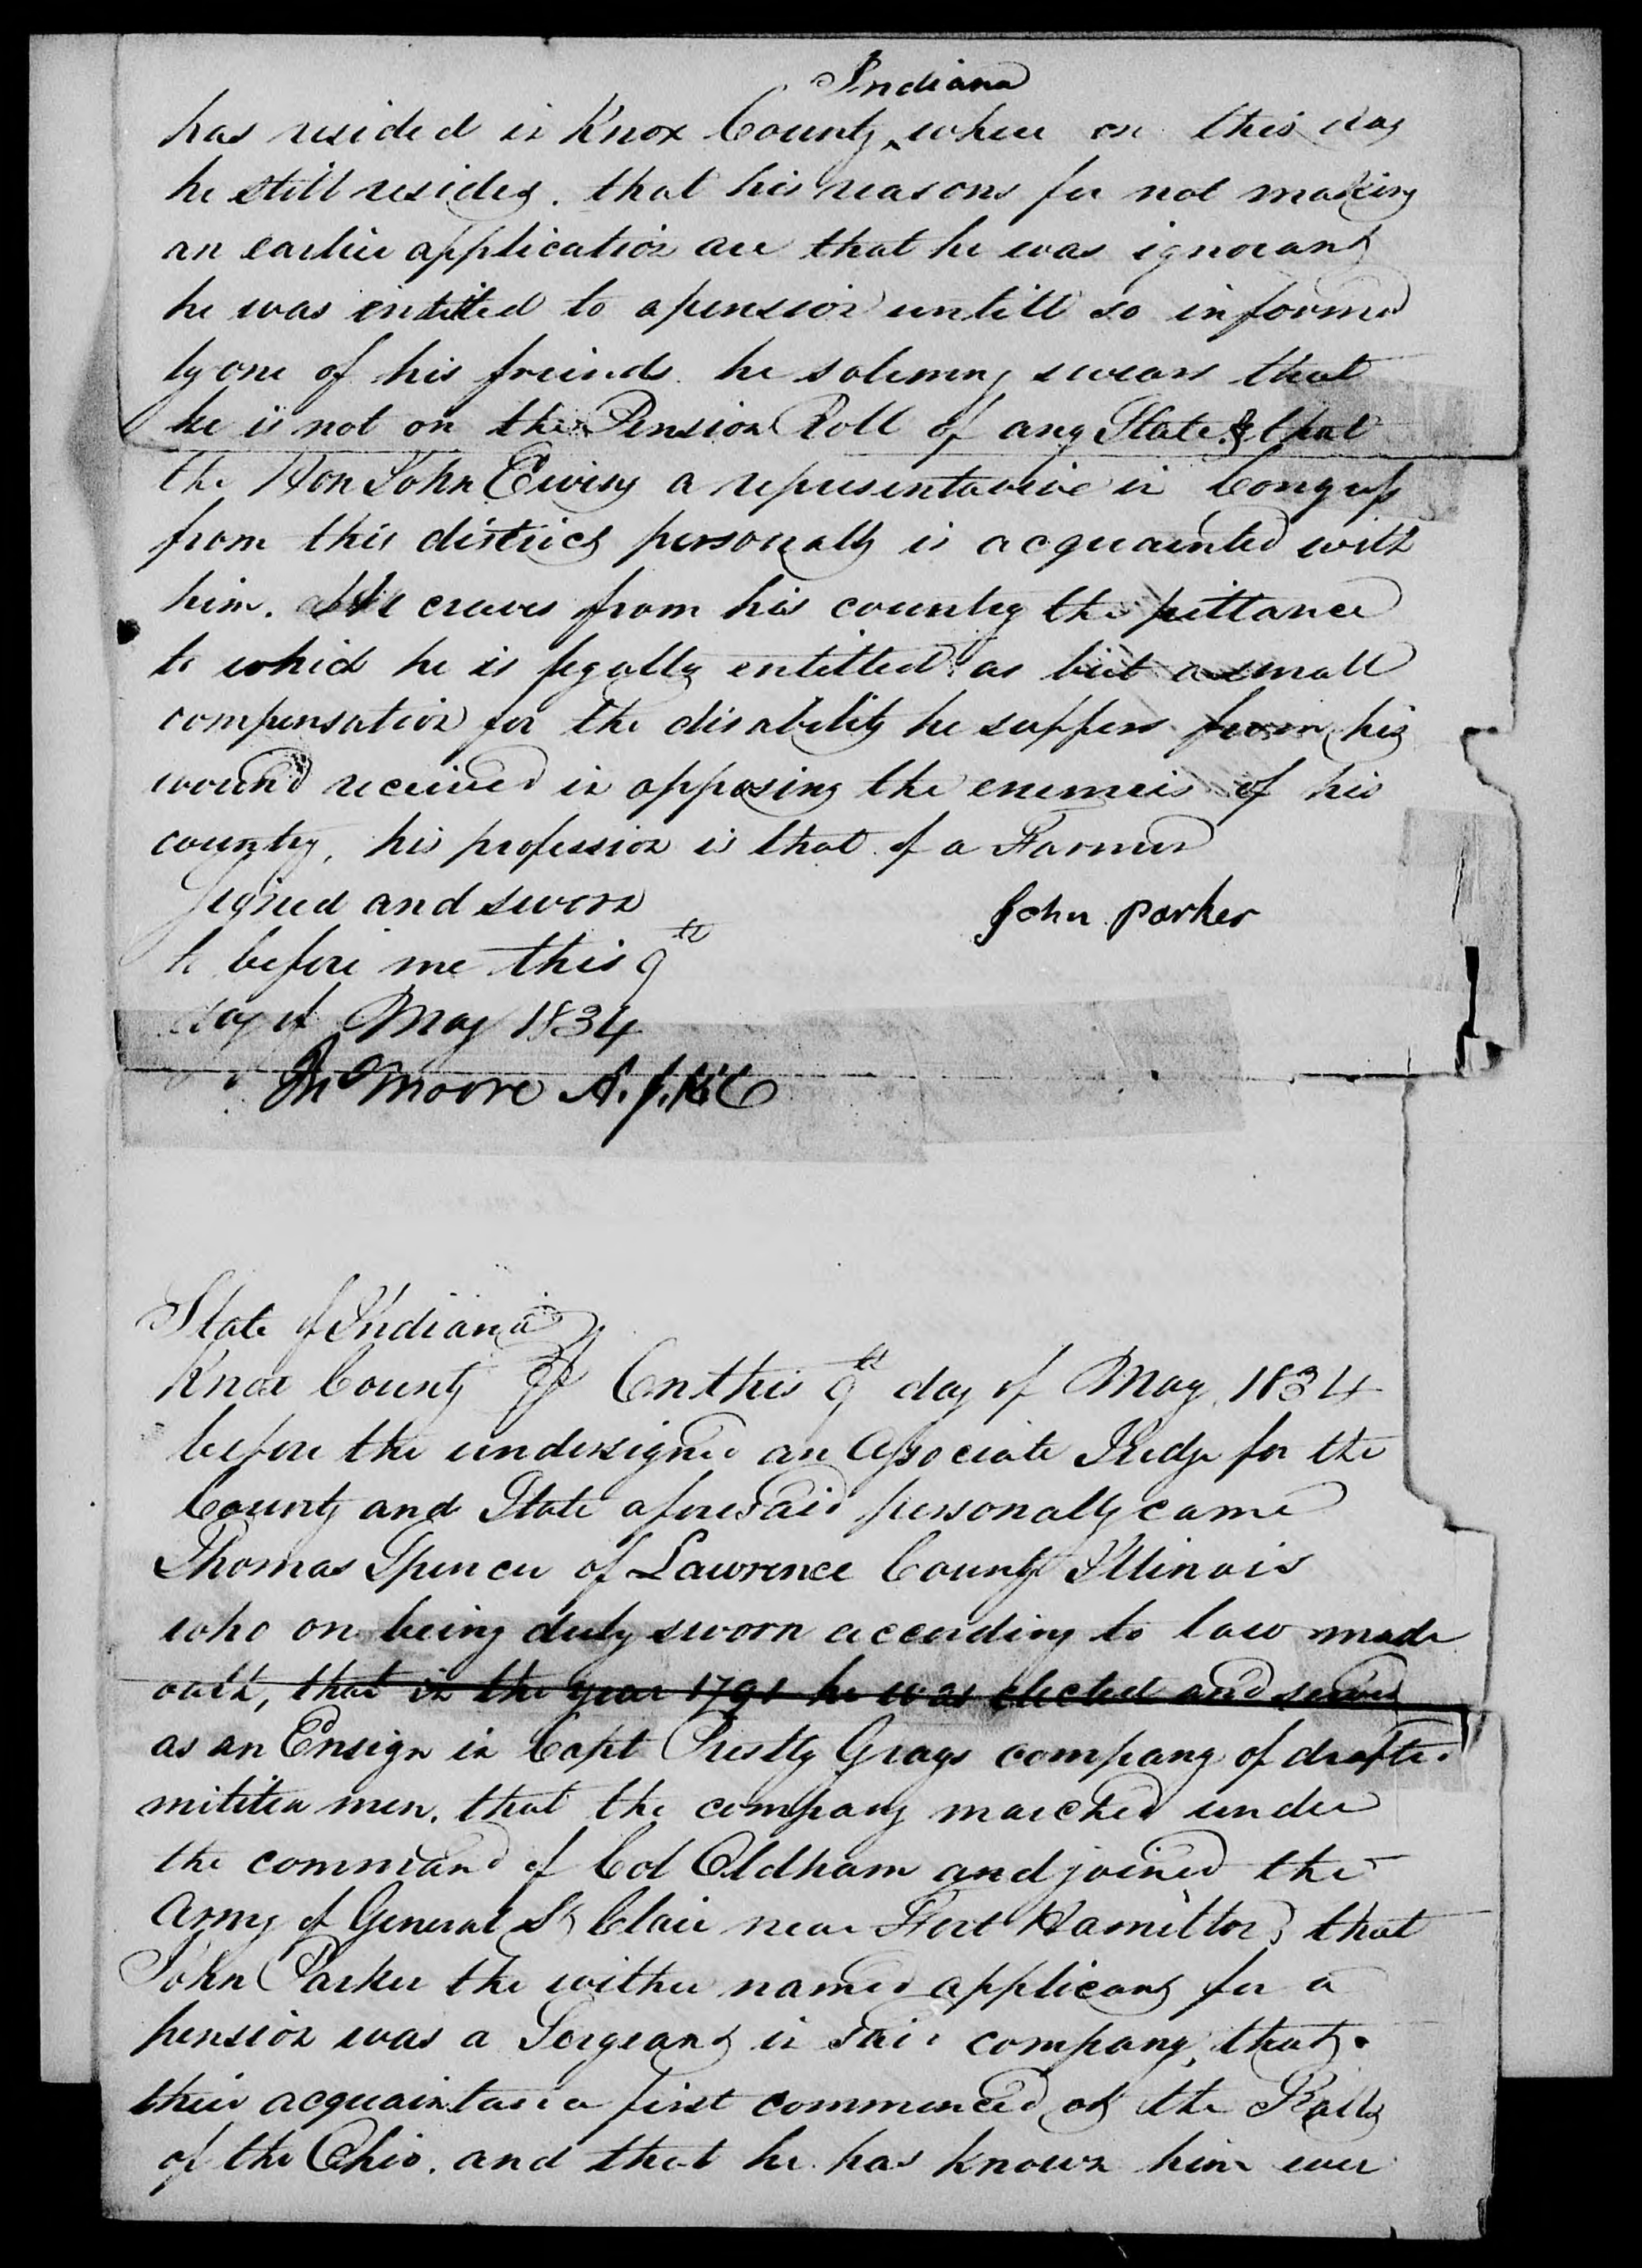Indiana

had resided in Knox County where on this day he still resides. that his reasons for not making an earlier application are that he was ignorant he was entitled to a pension untill so informed by one of his friends he solinen want that he is not on this Indiana Roll of any State & that the Hon. John Ewisy a representative in Congress from this district personally is acquianted with him. He ceaves from his county the pittance to which he is legally entitled as but a small compensation for the disability he suffers from his which received in opposing the enemeis of his country, his profession is that of a Farmer.

Segined and severn A. before me this 9th day of May 1834

In Moore A. J. 186

John Parker

State of Indiana

Knox County

On this 9th day of May, 1834 before the undersigned an Associate Judge for the County and State aforesaid personally came Thomas Spencer of Lawrence County Illinois who on being duly sworn according to law made oath, that in the year 1791 he was elected and served as an Ensign in Capt Christy Grays company of drafted militia men, that the company marched under the command of Col Oldham and joined the Army of General St Clair near Port Hannitor, that John Parker the within named appealing for a pension was a Sargeant in their company, that thier acquaintance first commenced on the Rolls of the Ohio, and that he has known him ever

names: Jno Moore; Thomas Spencer; John Parker; [BLANK] St Clair; [BLANK] Oldham; John Ewing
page: 5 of 21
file: Old War Inv. File 26332, for John Parker, Other